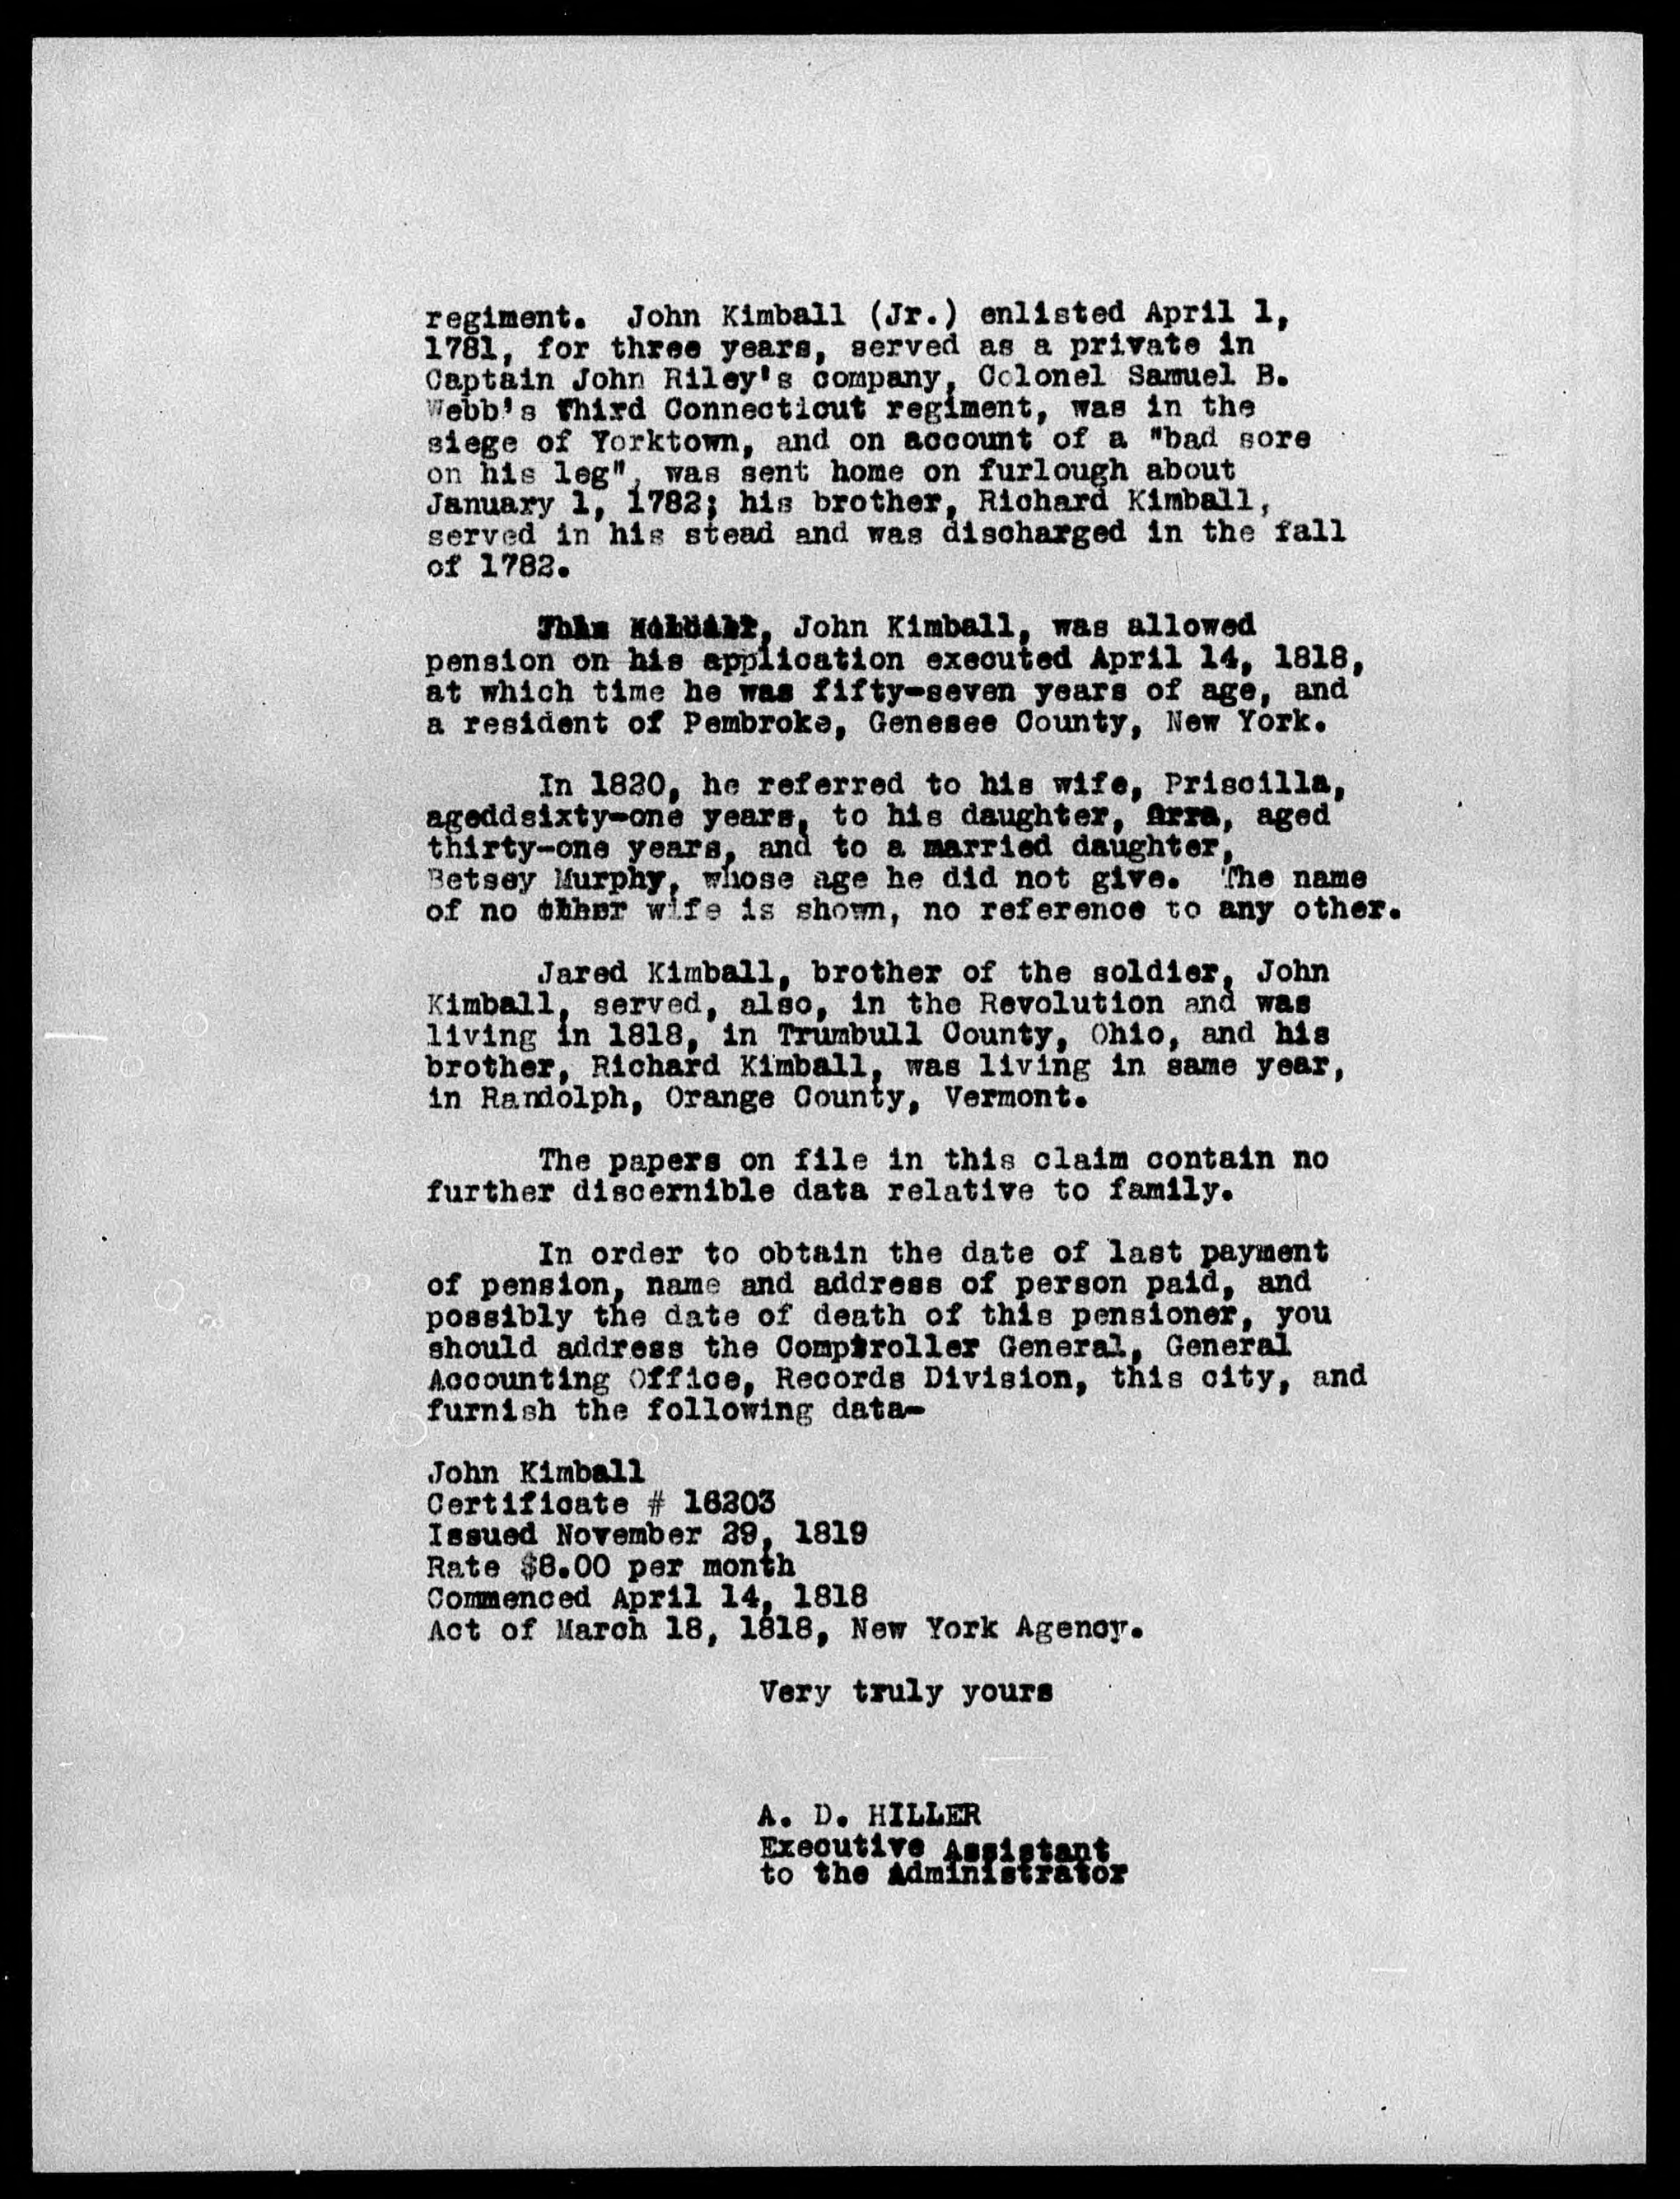regiment. John Kimball (Jr.) enlisted April 1, 1781, for three years, served as a private in Captain John Riley's company, Colonel Samuel B. Webb's Third Connecticut regiment, was in the siege of Yorktown, and on account of a "bad sore on his leg" was sent home on furlough about January 1, 1782; his brother, Richard Kimball, served in his stead and was discharged in the fall of 1782.

John Kimball, was allowed pension on his application executed April 14, 1818, at which time he was fifty-seven years of age, and a resident of Pembroke, Genesee County, New York.

In 1820, he referred to his wife, Priscilla, aged sixty-one years, to his daughter, Orra, aged thirty-one years, and to a married daughter, Betsey Murphy, whose age he did not give. The name of no other wife is shown, no reference to any other.

Jared Kimball, brother of the soldier, John Kimball, served, also, in the Revolution and was living in 1818, in Trumbull County, Ohio, and his brother, Richard Kimball, was living in same year, in Randolph, Orange County, Vermont.

The papers on file in this claim contain no further discernible data relative to family.

In order to obtain the date of last payment of pension, name and address of person paid, and possibly the date of death of this pensioner, you should address the Comptroller General, General Accounting Office, Records Division, this city, and furnish the following data -

John Kimball
Certificate # 16203
Issued November 29, 1819
Rate $8.00 per month
Commenced April 14, 1818
Act of March 18, 1818, New York Agency.

Very truly yours

A. D. Hiller
Executive Assistant
to the Administrator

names: Jared Kimball; A D Hiller; Richard Kimball; John Kimball; Orra [BLANK]; Priscilla [BLANK]; Betsey Murphy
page: 14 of 36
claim: survivor's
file: S. 42,792, for John Kimball, Connecticut